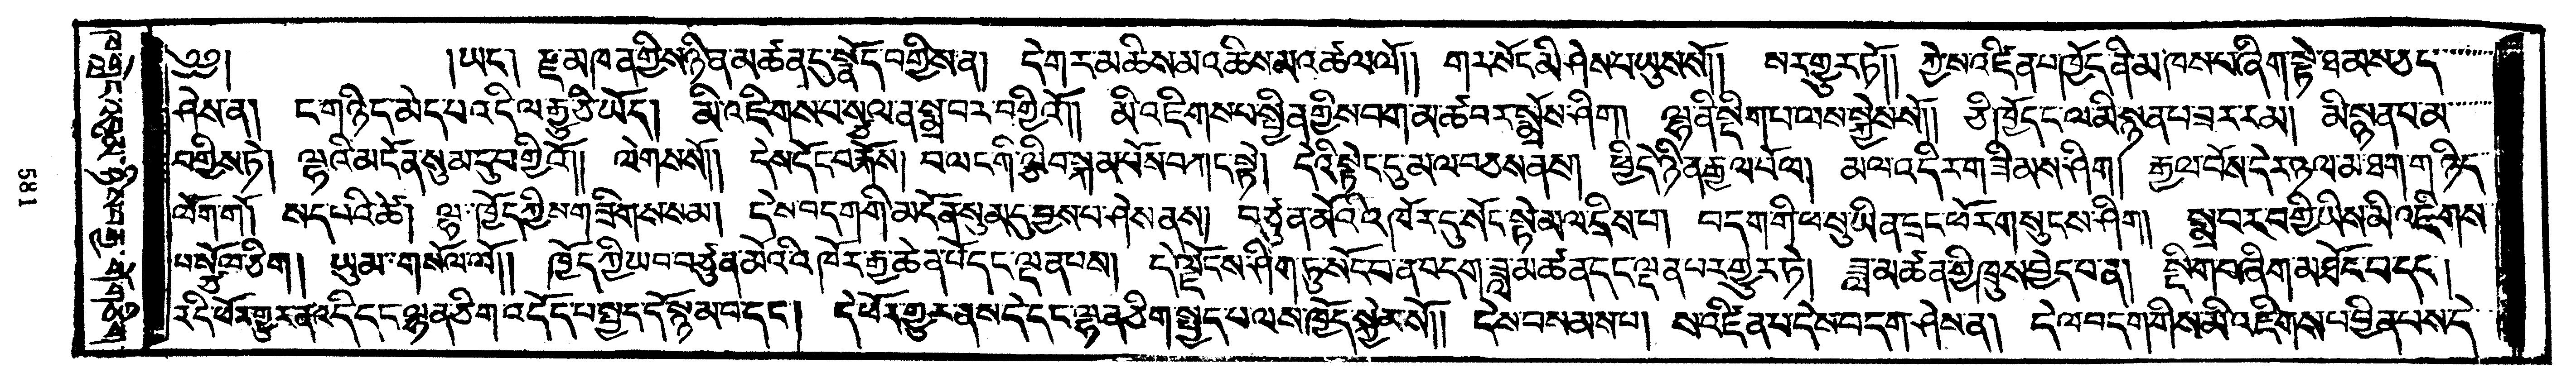༄༅། །ཡང་། རྫ་མཁན་གྱིས་ཉིན་མཚན་དུ་སྣོད་བགྱིས་ན། དེ་གར་མཆིས་མ་འཆིས་མ་འཚལ་ལོ།། གར་སོང་མི་ཤེས་པ་ཡུས་སོ།། སར་གྱུར་ཏོ།། ཀྱེ་ས་འྮིན་པ་ཁྱོད་ནི་མཁས་པ་ཞིག་སྟེ་ཐམས་ཅད་
ཤེས་ན། ང་གཉིས་མེད་པ་འདི་ལ་རྒྱུ་ཅི་ཡོད། མི་འཇིགས་པ་སྩལ་ན་སྨྲ་བར་བགྱིའོ།། མི་འཇིགས་པ་སྤྱིན་གྱིས་བག་མ་ཚ་བར་སྨྲོས་ཤིག། ལྷ་ནི་སྡིག་པ་ལས་སྐྱེས་སོ།། ཅི་ཁྱོད་ང་ལ་མི་སྙན་པ་ཟར་རམ། མི་སྙན་པ་མ་
བགྱིས་ཏེ། ལྷའི་མངོན་སུམ་དུ་བགྱིའོ།། ལེགས་སོ།། དེས་དོང་བརྐོས། བ་ལང་གི་ལྕིབ་སྐམ་པོས་བཀང་སྟེ། དེའི་སྟེང་དུ་མལ་བཅས་ནས། ཕྱི་དེ་ཉིན་རྒྱལ་པོ་ལ། མལ་འདིར་གཟིམས་ཤིག། རྒྱལ་བོས་དེར་ཉལ་མ་ཐག་གཉིད་
ལོག་གོ། སད་པའི་ཚེ། ལྷ་ཁྱོད་ཀྱིས་གཟིགས་སམ། དེས་བདག་གི་མངོན་སུམ་དུ་བྱས་པ་ཤེས་ནས། བཙུན་མོའི་འཁོར་དུ་སོང་སྟེ་མ་ལ་དྲིས་པ། བདག་གི་ཕ་སུ་ཡིན་དྲང་ཕོར་གསུངས་ཤིག། སྨྲ་བར་བགྱི་ཡིས་མི་འཇིགས་
པ་སྩོལ་ཅིག། ཡུམ་གསོལ་ལོ།། ཁྱོད་ཀྱི་ཡབ་བཙུན་མོའི་འཁོར་རྒྱ་ཆེན་པོ་དང་ལྡན་པས། དེ་ལྗོངས་ཤིག་ཏུ་སོང་བ་ན་བདག་ཟླ་མཚན་དང་ལྡན་པར་གྱུར་ཏེ། ཟླ་མཚན་གྱི་ཁྲུས་བྱེད་པ་ན། སྡིག་བཞིག་མཐོང་བ་དང་།
རིང་ཕོར་གྱུར་ན་འདི་དང་ལྷན་ཅིག་འདོད་པ་སྤྱད་དོ་སྙམ་པ་དང་། དེ་ཕོར་གྱུར་ནས་དེ་དང་ལྷན་ཅིག་སྤྱད་པ་ལས་ཁྱོད་སྐྱེམ་སོ།། དེས་བསམས་པ། ས་འཛིན་པ་དེས་བདག་ཤེས་ན། དེ་ལ་བདག་གི་མི་འཇིགས་པ་བྱིན་པས་དེ་